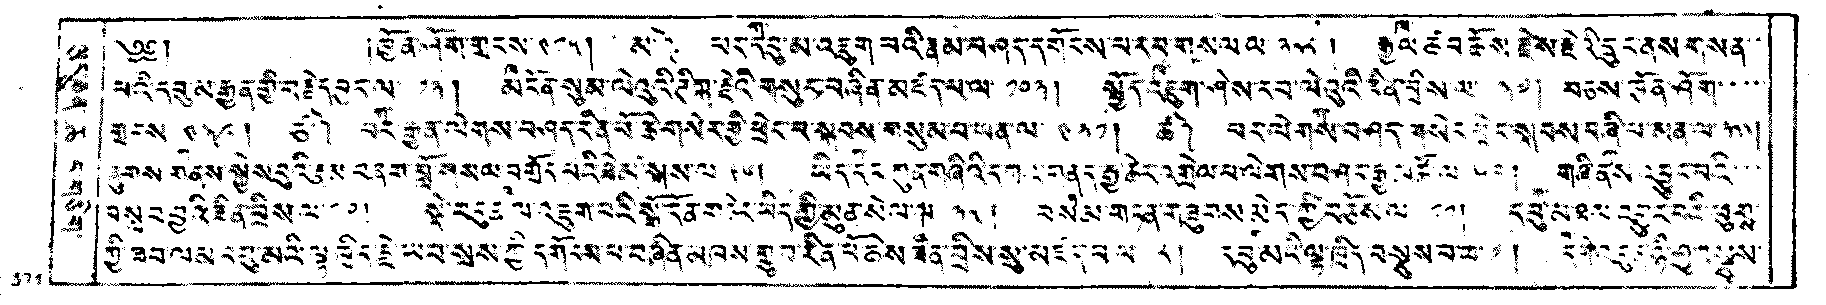༄༅། །ཁྱོན་ཤོག་གྲངས ༤༡༥། མ྄་པར་ཀ་དབུ་མ་འཇུག་པའི་རྣམ་བཤད་དགོངས་པ་རབ་གསལ་ལ ༢༨༨། རྒྱལ་ཁ་ཚབ་ཆོས་རྗེས་རྗེའི་དྲུང་ནས་གསན་
པའི་དབུ་མ་རྒྱན་གྱི་བརྗེད་བྱང་ལ ༡༢། ཁ་མངོན་སུམ་ལེའུའི་ཊིཀྐ་རྗེའི་གསུང་བཞིན་མཛད་པ་ལ ༡༠༢། ཁ་སྤྱོད་འཇུག་ཤེས་རབ་ལེའུའི་ཟིན་བྲིས་ལ ༣༧། བཅས་ཁྱོན་ཤོག་
གྲངས ༤༣༩། ཙ྄་ཀ་པར་རྒྱན་ལེགས་བཤད་རིན་པོ་ཆེ་གསེར་གྱི་ཕྲེང་བ་སྐབས་གསུམ་པ་ཡན་ལ ༤༢༡། ཚ྄་པར་ལེགས་ཀ་བཤད་གསེར་ཕྲེང་སྐབས་བཞི་པ་མན་ལ ༢༨༨།
ཞུགས་ཀ་གནས་སྐྱེས་བུའི་རྣམ་བཞག་བློ་གསལ་བགྲོད་པའི་ཐེམ་སྐས་ལ ༤༦། ཡིད་ཀ་དང་ཀུན་གཞིའི་དཀའ་གནད་རྒྱ་ཆེར་འགྲེལ་པ་ལེགས་བཤད་རྒྱ་མཚོ་ལ ༦༠། གཞི་ཀ་ནས་འབྱུང་བའི་
བསླབ་བྱའི་ཟིན་བྲིས་ལ ༡༠། སྡེ་བདུན་ཁ་ལ་འཇུག་པའི་སྒོ་དོན་གཉེར་ཡིད་ཀྱི་མུན་སེལ་ལ ༢༥། བསམ་ཀ་གཏན་གཟུགས་མེད་ཀྱི་བཅོས་ལ ༡༡། དབུ་ཀ་མ་ཐལ་འགྱུར་བའི་ལུགས་
ཀྱི་ཟབ་ལམ་དབུ་མའི་ལྟ་ཁྲིད་རྗེ་ཡབ་སྲས་ཀྱི་དགོངས་པ་བཞིན་མཁས་གྲུབ་རིན་པོ་ཆེས་ཟིན་བྲིས་སུ་མཛད་པ་ལ ༨། དབུ་ཀ་མའི་ལྟ་ཁྲིད་བསྡུས་པ་ལ ༧། དགེ་ཀ་འདུན་ཉི་ཤུ་བསྡུས་